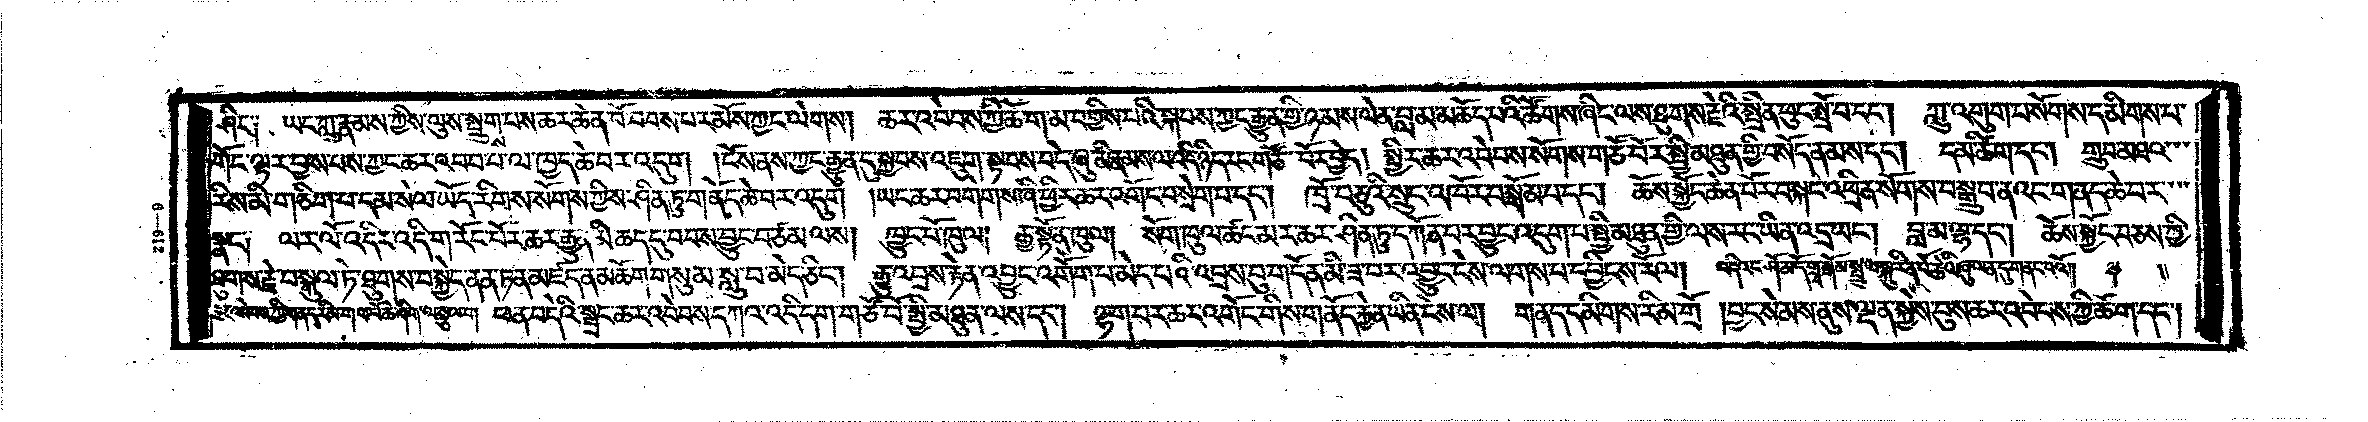ཤིང༑ ཡང་ཀླུ་རྣམས་ཀྱིས་ལུས་སྤྲུགས་པས་ཆར་ཆེན་བོ་བབས་པར་མོས་ཀྱང་ལེགས། ཆར་འབེབས་ཀྱི་ཆོ་ག་མ་བགྱིས་པའི་སྐབས་ཀྱང་རྒྱུན་གྱི་ཉམས་ལེན་བླ་མ་མཆོད་པའི་ཚོགས་ཞིང་ལས་ཐུགས་རྗེའི་སྤྲིན་ཕུང་སྤྲོ་བ་དང་། ཀླུ་འགུག་པ་སོགས་དམིགས་པ་
གོང་ལྟར་བྱས་པས་ཀྱང་ཆར་འབབ་པ་ལ་ཁྱད་ཆེ་བར་འདུག །ངོས་ནས་ཀྱང་རྒྱུན་དུ་སྐྱབས་འཇུག་སྟབས་བདེ་ཞུ་མི་རྣམས་ལ་འདི་ཉིད་རང་གཙོ་བོར་བྱེད། སྤྱིར་ཆར་འབེབས་སོགས་གཙོ་བོར་སྤྱི་མཐུན་གྱི་བསོད་ནམས་དང་། དམ་ཚིག་དང་། གྲུབ་མཐའ་
རིས་མི་གཅིག་པ་དམ་སེལ་ཡོད་རིགས་སོགས་ཀྱིས་ཤིན་ཏུ་གནོད་ཆེ་བར་འདུག །ཡང་ཆར་བགེགས་ཞི་ཕྱིར་ཆར་འགོང་བསྲེག་པ་དང་། ཁྲོ་བཅུའི་སྲུང་འཁོར་བསྒོམ་པ་དང་། ཆོས་སྐྱོང་ཆེན་པོར་བསྐང་འཕྲིན་སོགས་བསྒྲུབ་ནའང་གནད་ཆེ་བར་
སྣང༑ ལར་ལོ་འདིར་འདི་ག་རོང་པོར་ཆར་རྒྱུན་མི་ཆད་དུ་བབས་བྱུང་བ་ཙམ་ལས། ཁྱུང་པོ་ཁུལ། རྒྱ་སྟོན་ཁུལ། སོག་ཁུལ་ཚང་མར་ཆར་ཤིན་ཏུ་དཀོན་པར་བྱུང་འདུག་པ་སྤྱི་མཐུན་གྱི་ལས་རང་ཡིན་འདྲ་ཡང་། བླ་མ་ལྷ་དང་། ཆོས་སྐྱོང་བཅས་ཀྱི་
ཐུགས་རྗེ་བསྐུལ་ཏེ་ཐུགས་བསྐྱེད་ནན་ཏན་མཛད་ན་མཆོག་གསུམ་སླུ་བ་མེད་ཅིང་། རྒྱུ་འབྲས་རྟེན་འབྱུང་འགོག་པ་མེད་པའི་འབྲས་བུ་གདོན་མི་ཟ་བར་འབྱུང་ངེས་ལགས་པ་དབྱིངས་རོལ། འདིའང་ཤོ་མདོ་གྲྭ་སྒོམ་སྤྲུལ་སྐུ་རིན་པོ་ཆེའི་ཞུལ་ན་དུ་གནང་བའོ།། ༈ །།
ཟར་འབེབས་ཀྱི་གནད་རིམ་གལ་པོ་ཆེ་ཞིག་ལ་སྩལ་བ། ཕན་བདེའི་སྦྲང་ཆར་འབེབས་དཀའ་འདི་དག་གཙོ་བོ་སྤྱི་མཐུན་ལས་དང་། ལྷག་པར་ཆར་འགོང་གིས་གནོད་རྐྱེན་ཡིན་ངེས་ལ། གནད་དམིགས་རིམ་གྲོ་།བྱང་སེམས་ནུས་ལྡན་སྐྱེས་བུས་ཆར་འབེབས་ཀྱི་ཆོ་ག་དང་།